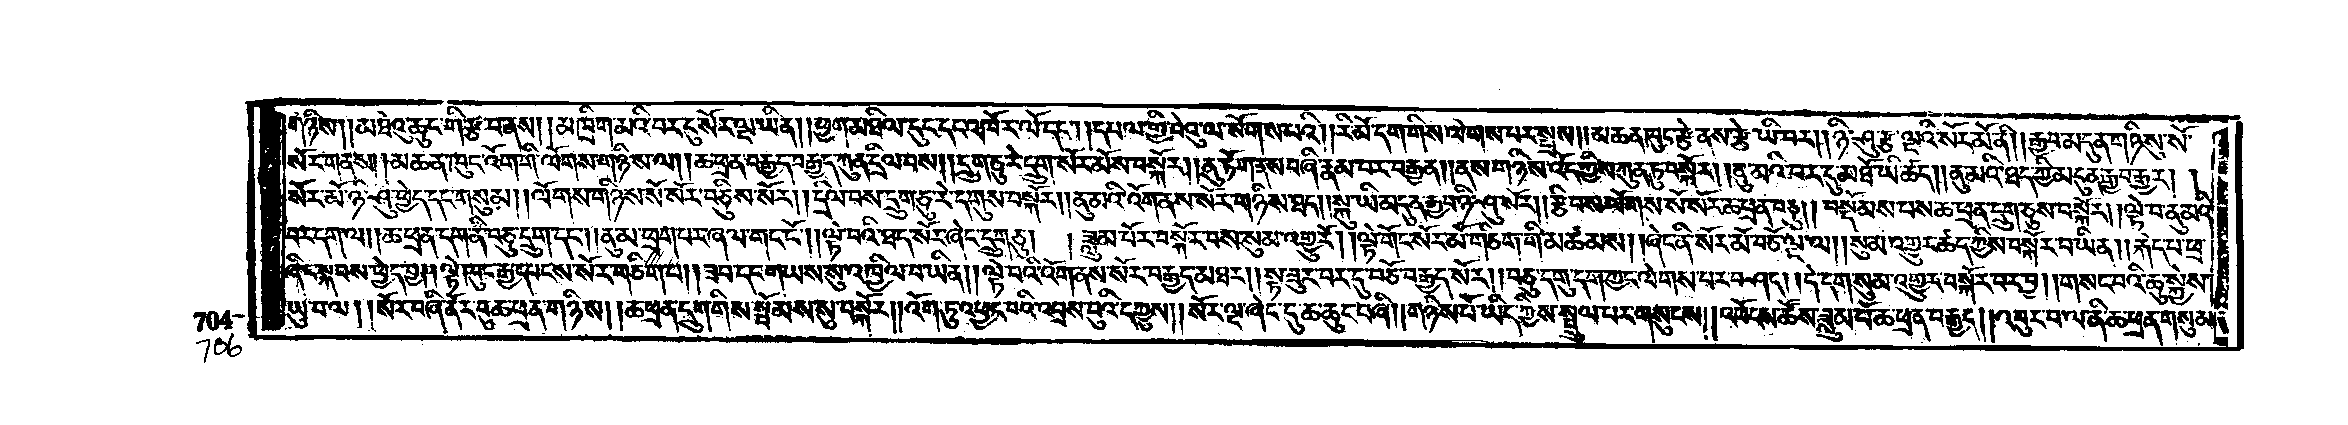གཉིས། །མཐེའུ་ཆུང་གི་རྩ་བ་ནས། །མཁྲིག་མའི་བར་དུ་སོར་ལྔ་ཡིན། །ཕག་མཐིལ་དུང་དང་འཁོར་ལོ་དང་། །དཔལ་གྱི་བེའུ་ལ་སོགས་པའི། །རི་མོ་དག་གིས་ལེགས་པར་སྤྲས། །མཆན་ཁུང་རྩེ་ནས་རྩེ་ཡི་བར། །ཉི་ཤུ་རྩ་ལྔའི་སོར་མོ་ནི། །རྒྱབ་མདུན་གཉིས་སུ་སོ་
སོར་གནས། །མཆན་ཁུང་འོག་གི་ལོགས་གཉིས་ལ། །ཆ་ཕྲན་བརྒྱད་བརྒྱད་ཀུན་དྲིལ་བས། །དྲུག་ཅུ་རེ་དྲུག་སོར་མོས་བསྐོར། །ནུ་ཏོག་ནས་བཞི་རྣམ་པར་བརྒྱན། །ནས་གཉིས་འོད་ཀྱིས་ཀུན་ཏུ་བསྐོར། །ནུ་མའི་བར་དུ་མཐོ་ཡི་ཚད། །ནུ་མའི་ཐད་ཀྱི་མདུན་རྒྱབ་རྒྱར། །
སོར་མོ་ཉི་ཤུ་ཕྱེད་དང་གསུམ། །ལོགས་གཉིས་སོ་སོར་བཅུས་གཉིས་སོར། །དྲིལ་བས་དྲུག་ཅུ་རེ་དགུས་བསྐོར། །ནུ་མའི་འོག་ནས་སོར་གཉིས་ཐད། །སྐུ་ཡི་མདུན་རྒྱབ་ཉི་ཤུ་སོར། །རྩིབས་ལོགས་སོ་སོར་ཆ་ཕྲན་བཅུ། །བསྡོམས་པས་ཆ་ཕྲན་དྲུག་ཅུས་བསྐོར། །ལྟེ་བ་ནུ་མའི་
བར་དག་ལ། །ཆ་ཕྲན་དག་ནི་བཅུ་དྲུག་དང་། །ནུ་མ་ཕྲག་པར་ཞལ་གང་ངོ། །ལྟེ་བའི་ཐད་སོར་ཞེང་དྲུག་ཅུ། །ཟླུམ་པོར་བསྐོར་བས་སུམ་འགྱུར་རོ། །ལྟེ་གོང་སོར་མོ་གཅིག་གི་མཚམས། །ཞེང་ནི་སོར་མོ་བཅོ་ལྔ་ལ། །སུམ་འགྱུར་ཚད་ཀྱིས་བསྐོར་བ་ཡིན། །རྐེད་པ་ཕྲ་
ཞིང་སྐབས་ཕྱེད་བྱ། །ལྟེ་ཁུང་རྒྱ་དཔངས་སོར་གཅིག་པ། །ཟབ་དང་གཡས་སུ་འཁྱིལ་བ་ཡིན། །ལྟེ་བའི་འོག་ནས་སོར་བརྒྱད་མཐར། །སྟ་ཟུར་བར་དུ་བཅོ་བརྒྱད་སོར། །བཅུ་དགུ་དག་ཀྱང་ལེགས་པར་བཤད། །དེ་དག་སུམ་འགྱུར་བསྐོར་བར་བྱ། །གསང་བའི་ཆུ་སྐྱེས་
ཡུ་བ་ལ། །སོར་བཞི་ནོར་བུ་ཆ་ཕྲན་གཉིས། །ཆ་ཕྲན་དྲུག་གིས་སྤོམས་སུ་བསྐོར། །འོག་ཏུ་འཕྱང་བའི་འབྲས་བུའི་དཀྱུས། །སོར་ལྔ་ཞེང་དུ་ཆ་ཆུང་བཞི། །གཉིས་པོ་ཡིད་ཀྱིས་སྤྲུལ་པར་གསུངས། །འཕོངས་ཚོས་ཟླུམ་པོ་ཆ་ཕྲན་བརྒྱད། །འབུར་བ་ལ་ནི་ཆ་ཕྲན་གསུམ། །